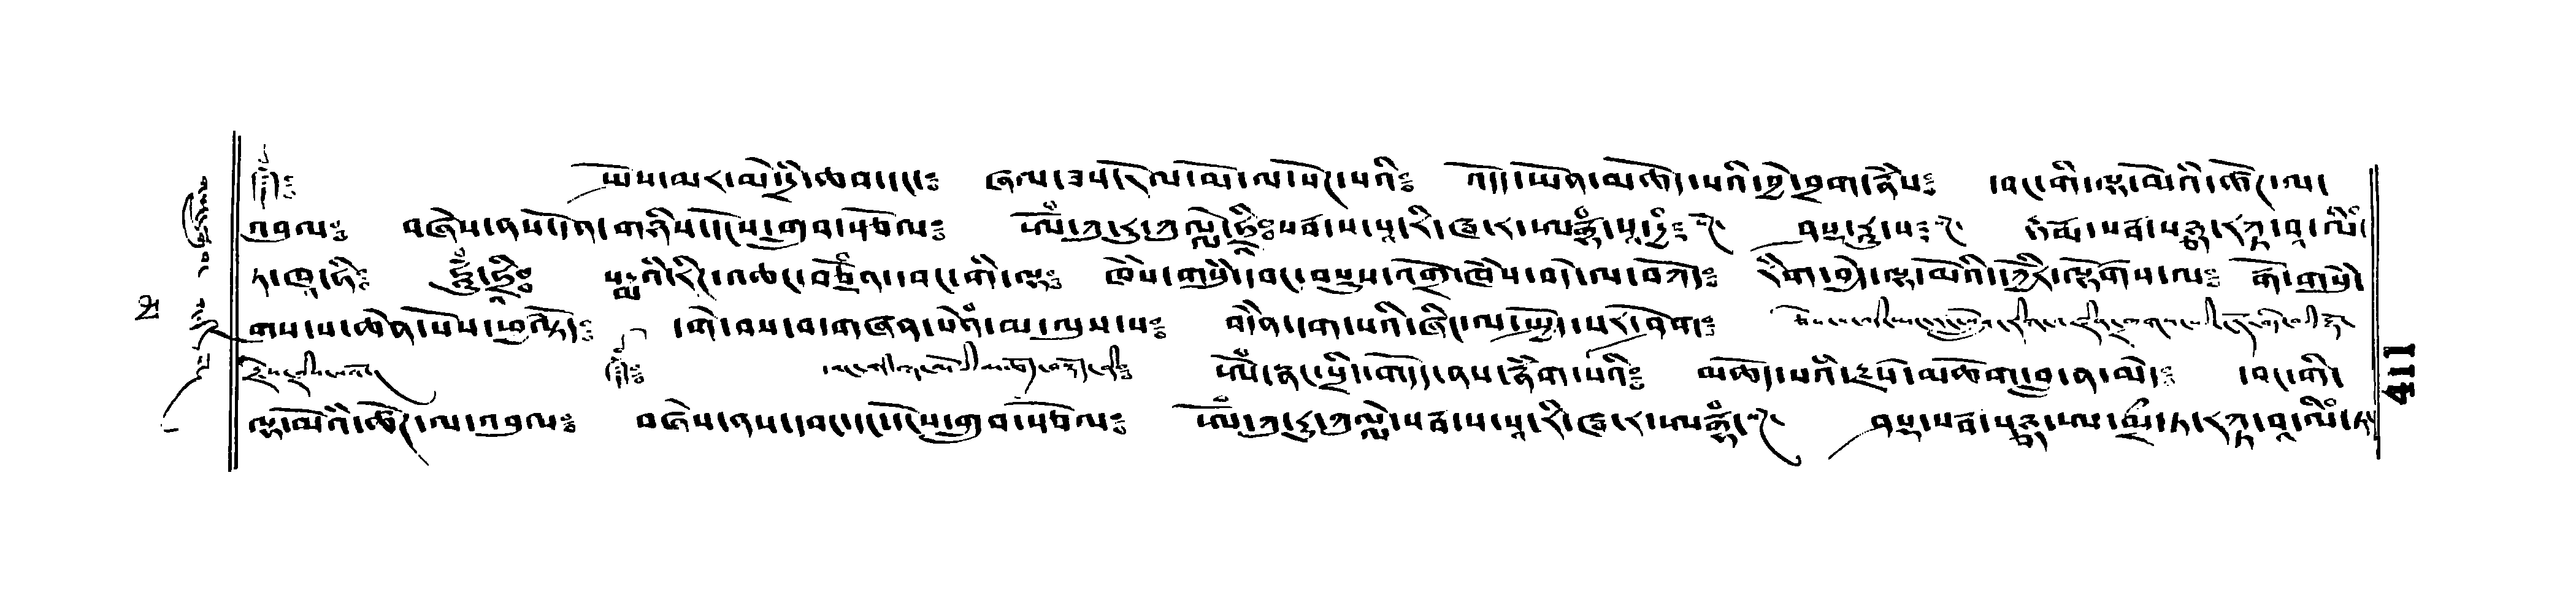སྤོས་མར་མེ་དྲི་ཆབ་དང༔ ཞལ་ཟས་རོལ་མོ་ལ་སོགས་པའི༔ འདོད་ཡོན་མཆོད་པའི་བྱེ་བྲག་རྣམས༔ དབང་གི་ལྷ་མོའི་ཚོགས་ལ་
འབུལ༔ བཞེས་ནས་དོན་གཉིས་དངོས་གྲུབ་སྩོལ༔ ཨོཾ་ཀུ་རུ་ཀུལླེ་ཧྲཱིཿསརྦ་ས་པཱ་རི་ཝ་ར་ཨརྒྷཾ་པཱ་དྱཾ་སོགས༔ ཤཔྡ་རཱུ་པ་སོགས༔ དྷརྨ་སརྦ་པཉྩ་རཀྟ་བཱ་ལིཾ་
ཏ་ཁཱ་ཧིཿ ཧཱུྃ་ཧྲཱིཿ པདྨའི་རིགས་འཆང་བཅོམ་ལྡན་དབང་གི་ལྷ༔ ཁམས་གསུམ་དབང་བསྡུས་འགྲོ་ཁམས་བདེ་ལ་བཀོད༔ རིག་བྱེད་ལྷ་མོའི་དཀྱིལ་འཁོར་ལྷ་ཚོགས་ལ༔སྒོ་གསུམ་
གུས་པ་ཆེན་པོས་ཕྱག་འཚལ་བསྟོད༔ དགེ་བས་བདག་གཞན་སེམས་ཅན་མ་ལུས་པ༔ བདེ་ཆེན་དག་པའི་ཞིང་ལ་སྤྱོད་པར་ཤོག༔ ཅེས་པ་འདི་ཡང་རང་སློབ་རིག་འཛིན་གྲགས་པའི་ངོར་བདེ་བའི་རྡོ་
རྗེས་བྲིས་པའོ།། དབང་གི་ལྷ་མོའི་མཆོད་བསྟོད་ནི༔ ཨོཾ་སྣང་སྲིད་གདོད་ནས་རྣམ་དག་པའི༔ མཆོད་པའི་རྫས་མཆོག་བླ་ན་མེད༔ དབང་གི་
ལྷ་མོའི་ཚོགས་ལ་འབུལ༔ བཞེས་ནས་དབང་དང་དངོས་གྲུབ་སྩོལ༔ ཨོཾ་ཀུ་རུ་ཀུལླེ་སརྦ་ས་པཱ་རི་ཝ་ར་ཨརྒྷཾ་སོགས༔ ཤཔྡ་སརྦ་པཉྩ་ཨ་མྲྀ་ཏ་རཀྟ་བཱ་ལིཾ་ཏ་